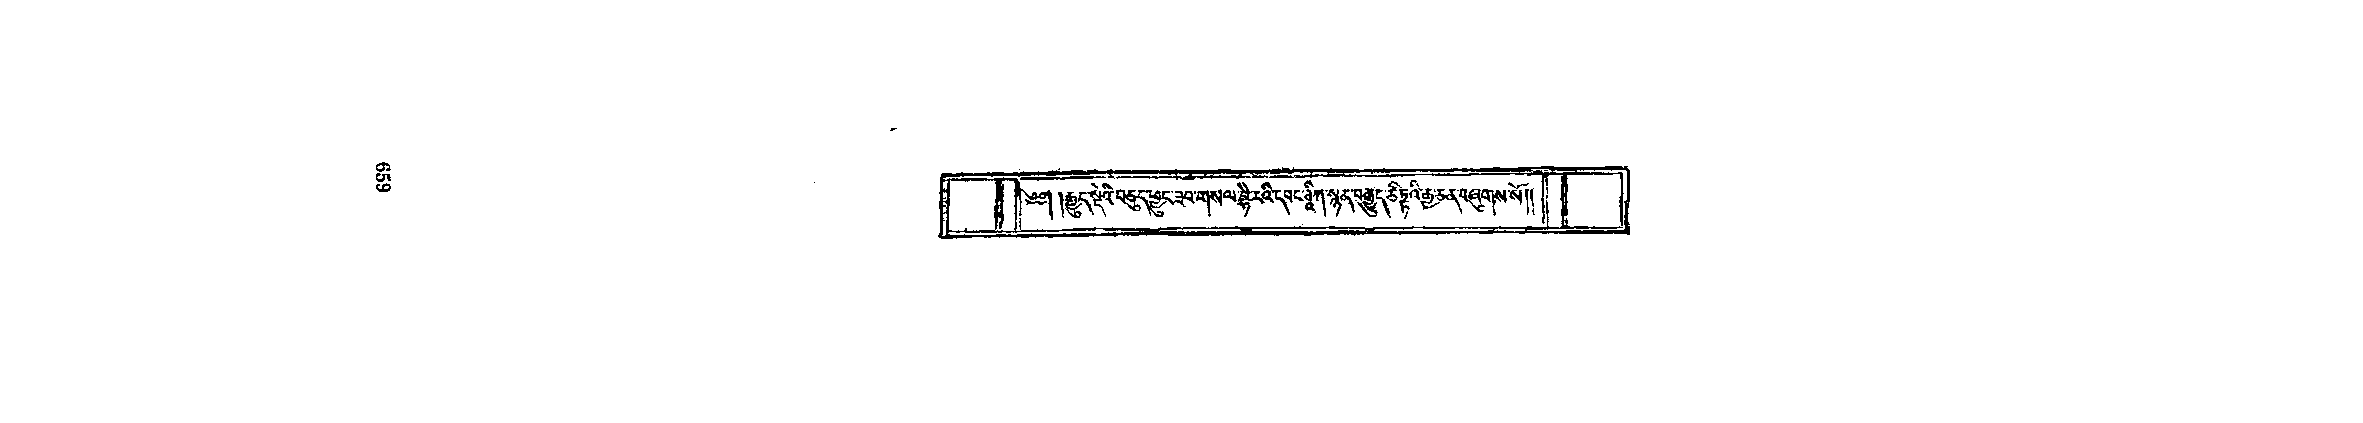༄༅། །རྒྱུད་སྡེའི་བཅུད་ཕྱུང་ཟབ་གསལ་བྷཻ་རའི་དབང་ཊཱིཀ་སྙན་བརྒྱུད་ཙིཏྟའི་རྒྱ་ཅན་བཞུགས་སོ། །